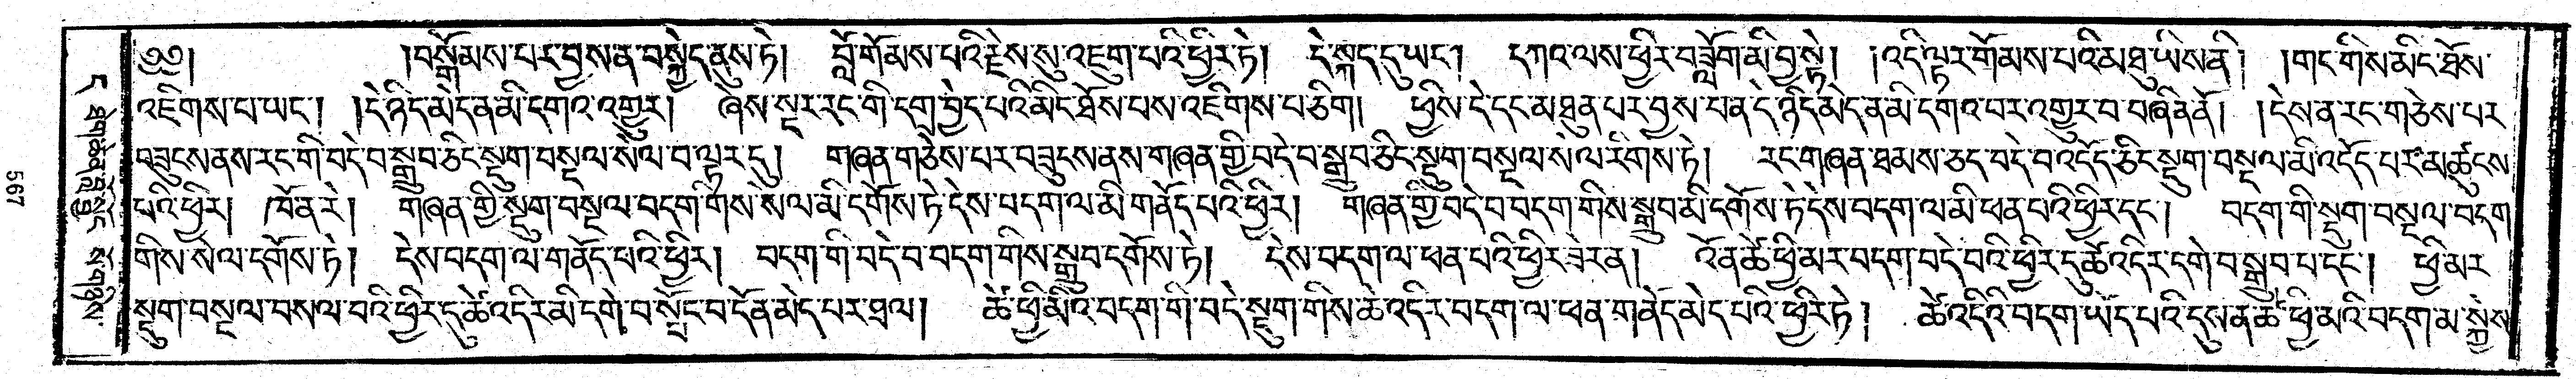༄༅། །བསྒོམས་པར་བྱས་ན་བསྐྱེད་ནུས་ཏེ། བློ་གོམས་པའི་རྗེས་སུ་འཇུག་པའི་ཕྱིར་ཏེ། དེ་སྐད་དུ་ཡང་། དཀའ་ལས་ཕྱིར་བཟློག་མི་བྱ་སྟེ། །འདི་ལྟར་གོམས་པའི་མཐུ་ཡིས་ནི། །གང་གིས་མིང་ཐོས་
འཇིགས་པ་ཡང་། །དེ་ཉིད་མེད་ན་མི་དགའ་འགྱུར། ཞེས་སྔར་རང་གི་དགྲ་བྱེད་པའི་མིང་ཐོས་པས་འཇིགས་པ་ཅིག། ཕྱིས་དེ་དང་མཐུན་པར་བྱས་པ་ན་དེ་ཉིད་མེད་ན་མི་དགའ་བར་འགྱུར་བ་བཞིན་ནོ། །དེས་ན་རང་གཅེས་པར་
བཟུངས་ནས་རང་གི་བདེ་བ་སྒྲུབ་ཅིང་སྡུག་བསྔལ་སེལ་བ་ལྟར་དུ། གཞན་གཅེས་པར་བཟུངས་ནས་གཞན་གྱི་བདེ་བ་སྒྲུབ་ཅིང་སྡུག་བསྔལ་སེལ་རིགས་ཏེ། རང་གཞན་ཐམས་ཅད་བདེ་བ་འདོད་ཅིང་སྡུག་བསྔལ་མི་འདོད་པར་མཚུངས་
པའི་ཕྱིར། ཁོ་ན་རེ། གཞན་གྱི་སྡུག་བསྔལ་བདག་གིས་སེལ་མི་དགོས་ཏེ་དེས་པྡག་ལ་མི་གནོད་པའི་ཕྱིར། གཞན་གྱི་བདེ་བ་བདག་གིས་སྒྲུབ་མི་དགོས་ཏེ་དེས་བདག་ལ་མི་ཕན་པའི་ཕྱིར་དང་། བདག་གི་སྡུག་བསྔལ་བདག་
གིས་སེལ་དགོས་ཏེ། དེས་བདག་ལ་གནོད་པའི་ཕྱིར། བདག་གི་བདེ་བ་བདག་གིས་སྒྲུབ་དགོས་ཏེ། དེས་བདག་ལ་ཕན་པའི་ཕྱིར་ཟེར་ན། འོ་ན་ཚེ་ཕྱི་མར་བདག་བདེ་བའི་ཕྱིར་དུ་ཚེ་འདིར་དགེ་བ་སྒྲུབ་པ་དང་། ཕྱི་མར་
སྡུག་བསྔལ་བསལ་བའི་ཕྱིར་དུ་ཚེ་འདིར་མི་དགེ་བ་སྤོང་བ་དོན་མེད་པར་ཐལ། ཚེ་ཕྱི་མའི་བདག་གི་བདེ་སྡུག་གིས་ཆེ་འདིར་བདག་ལ་ཕན་གནོད་མེད་པའི་ཕྱིར་ཏེ། ཚེ་འདིའི་བདག་ཡོད་པའི་དུས་ན་ཚེ་ཕྱི་མའི་བདག་མ་སྐྱེས་